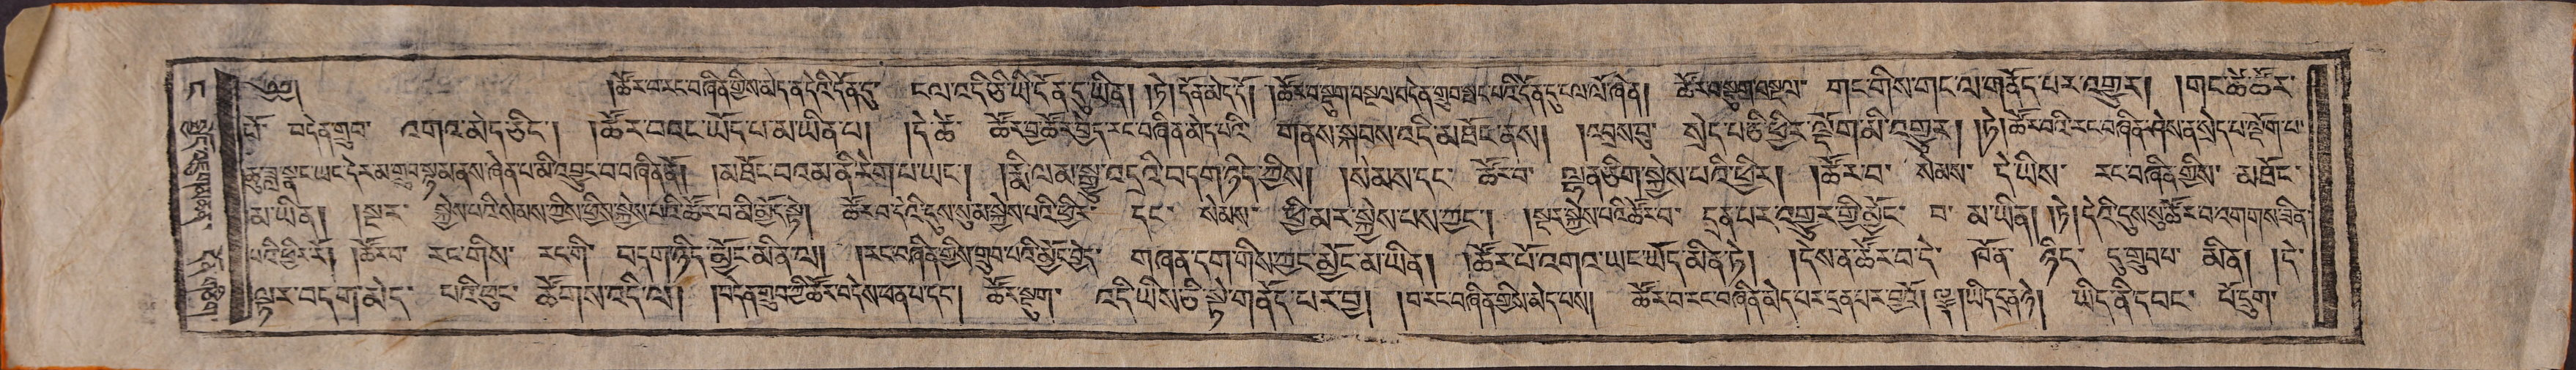༄༅། །ཚོར་བ་རང་བཞིན་གྱིས་མེད་ན་དེའི་དོན་དུ་ངལ་འདི་ཅི་ཡི་དོན་དུ་ཡིན། །ཏེ། དོན་མེད་དོ། །ཚོར་བ་སྡུག་བསྔལ་བདེན་གྲུབ་སྤང་བའི་དོན་དུ་ངལ་ལོ་ཞེ་ན། ཚོར་བ་སྡུག་བསྔལ་གང་གིས་གང་ལ་གནོད་པར་འགྱུར། །གང་ཚེ་ཚོར་
པོ་བདེན་གྲུབ་འགའ་མེད་ཅིང་། །ཚོར་བའང་ཡོད་པ་མ་ཡིན་པ། །དེ་ཚེ་ཚོར་བྱ་ཚོར་བྱེད་རང་བཞིན་མེད་པའི་གནས་སྐབས་འདི་མཐོང་ནས། །འབྲས་བུ་སྲེད་པ་ཅི་ཕྱིར་ལྡོག་མི་འགྱུར། །ཏེ། ཚོར་བའི་རང་བཞིན་ཤེས་ན་སྲེད་པ་ལྡོག་པ་
ཆུ་ཟླ་སྣང་ཡང་དེར་མ་གྲུབ་སྙམ་ནས་ཞེན་པ་མི་འབྱུང་བ་བཞིན་ནོ། །མཐོང་བའམ་ནི་རེག་པ་ཡང་། །རྨི་ལམ་སྒྱུ་འདྲའི་བདག་ཉིད་ཀྱིས། །སེམས་དང་ཚོང་བ་ལྷན་ཅིག་སྐྱེས་པའི་ཕྱིར། །ཚོར་བ་སེམས་དེ་ཡིས་རང་བཞིན་གྱིས་མཐོང་
མ་ཡིན། །སྔར་སྐྱེས་པའི་སེམས་ཀྱིས་ཕྱིས་སྐྱེས་པའི་ཚོར་བ་མི་མྱོང་སྟེ། །ཚོར་བ་དེའི་དུས་སུམ་སྐྱེས་པའི་ཕྱིར་དང་སེམས་ཕྱི་མར་སྐྱེས་པས་ཀྱང་། །སྔར་སྐྱེས་པའི་ཚོར་པ་དྲན་པར་འགྱུར་གྱི་མྱོང་བ་མ་ཡིན། །ཏེ། དེའི་དུས་སུ་ཚོར་བ་འགགས་ཟིན་
པའི་ཕྱིར་རོ། །ཚོར་བ་རང་གི་རང་གི་བདག་ཉིད་མྱོང་མིན་ལ། །རང་བཞིན་གྱིས་གྲུབ་པའི་མྱོང་བྱེད་གཞན་དག་གིས་ཀྱང་མྱོང་མ་ཡིད། །ཚོར་པོ་འགའ་ཡང་ཡོད་མིན་ཏེ། །དེས་ན་ཚོར་བ་དེ་ཁོ་ན་ཉིད་དུ་གྲུབ་པ་མིན། །དེ་
ལྟར་བདག་མེད་པའི་ཕུང་ཚོགས་འདི་ལ། །བདེན་གྲུབ་ཀྱི་ཚོར་བདེས་ཕན་པ་དང་། ཚོར་སྡུག་འདི་ཡིས་ཅི་སྟེ་གནོད་པར་བྱ། །བ་རང་བཞིན་གྱིས་མེད་པས། ཚོར་བ་རང་བཞིན་མེད་པར་དྲན་པར་བྱའོ། ༈ །ཡིད་དྲན་ཉེ།  ཡིད་ནི་དབང་པོ་དྲུག །